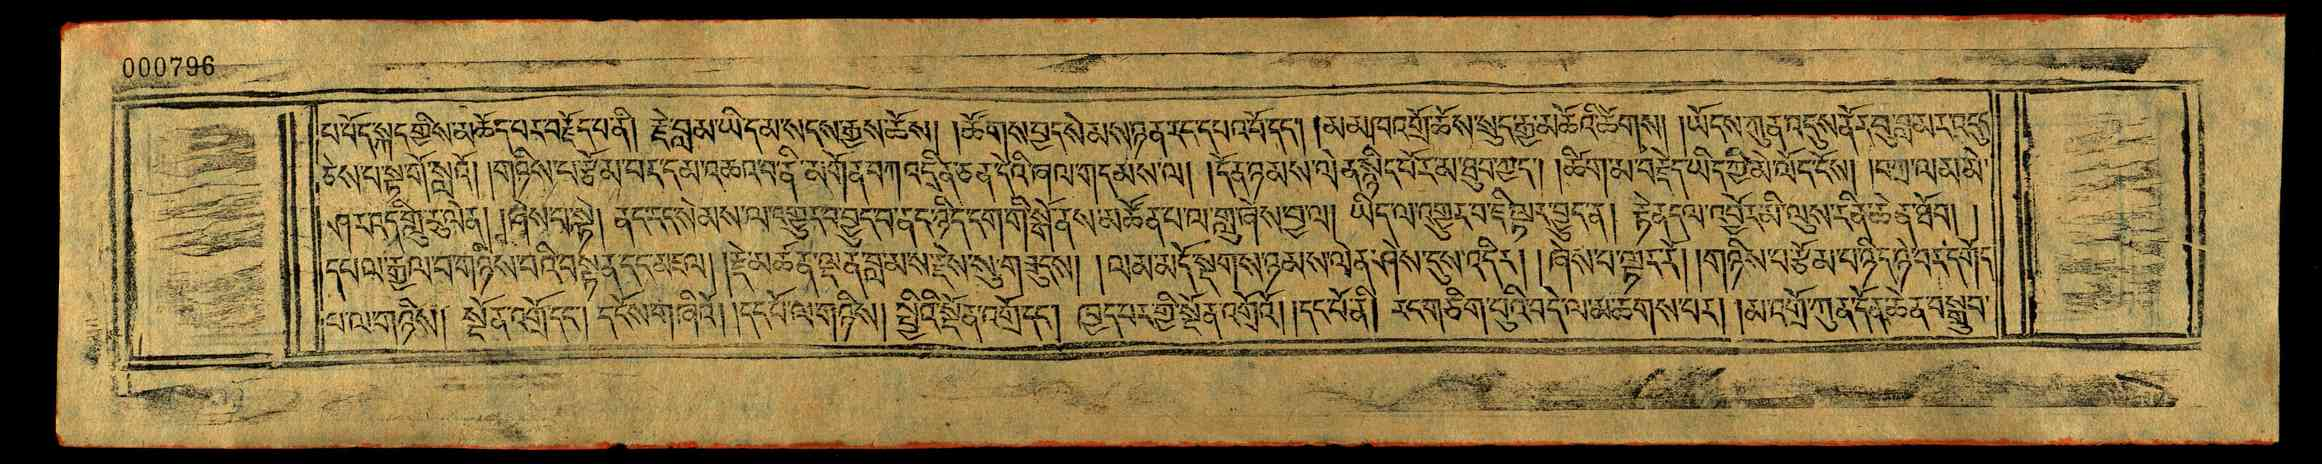པ་བོད་སྐད་ཀྱིས་མཆོད་པར་བརྗོད་པ་ནི། རྗེ་བླ་མ་ཡི་དམ་སངས་རྒྱས་ཆོས། །ཚོགས་བྱང་སེམས་ཉན་རང་དཔའ་བོ་དང་། །མ་མཁའ་འགྲོ་ཆོས་སྲུང་རྒྱ་མཚོའི་ཚོགས། །ཡོངས་ཀུན་འདུས་ནོར་བུ་བླ་མར་འདུད། །
ཅེས་པ་སྟེ་གོ་སླའོ། །གཉིས་པ་རྩོམ་པར་དམ་འཆའ་བ་ནི། མགོན་བཀའ་དྲིན་ཅན་དེའི་ཞལ་གདམས་ལ། །དོན་ཉམས་ལེན་སྙིང་པོར་མ་ཐུབ་ཀྱང་། །ཚིག་མ་བརྗེད་ཡིད་ཀྱི་མེ་ལོང་ངོས། །བཀྲ་ལམ་མེ་
ཤར་འདི་གླུ་རུ་ལེན། །ཞེས་པ་སྟེ། ནང་རང་སེམས་ལ་འགྱུར་བ་བྱུང་བ་ན་དེ་ཉིད་ངག་གི་སྒོ་ནས་མཚོན་པ་ལ་གླུ་ཞེས་བྱ་ལ། ཡིད་ལ་འགྱུར་བ་ཇི་ལྟར་བྱུང་ན། རྟེན་དལ་འབྱོར་མི་ལུས་རིན་ཆེན་ཐོབ། །
དཔལ་རྒྱལ་བ་གཉིས་པའི་བསྟན་དང་མཇལ། །རྗེ་མཚན་ལྡན་བླ་མས་རྗེས་སུ་གཟུངས། །ལམ་མདོ་སྔགས་ཉམས་ལེན་ཤེས་དུས་འདིར། །ཞེས་པ་ལྟར་རོ། །གཉིས་པ་རྩོམ་པ་ཉིད་ཉེ་བར་དགོད་
པ་ལ་གཉིས། སྔོན་འགྲོ་དང་། དངོས་གཞིའོ། །དང་པོ་ལ་གཉིས། སྤྱིའི་སྔོན་འགྲོ་དང་། ཁྱད་པར་གྱི་སྔོན་འགྲོའོ། །དང་པོ་ནི། རང་གཅིག་པུའི་བདེ་ལ་མ་ཆགས་པར། །མ་འགྲོ་ཀུན་དོན་ཆེན་བསྒྲུབ་